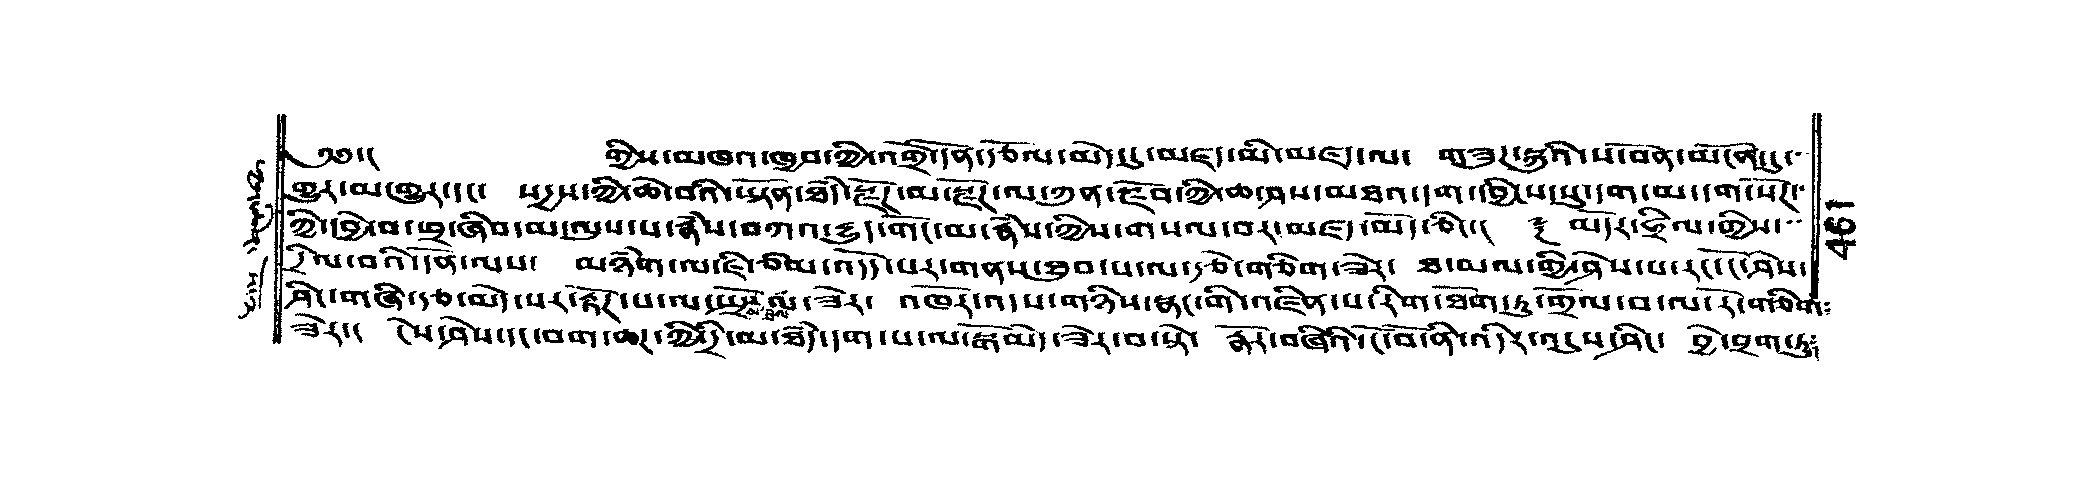གྱིས་མཁའ་ཁྱབ་ཀྱི་འགྲོ་དོན་རྩོལ་མེད་དུ་མཛད་མི་མཛད་ལ། གཟུགས་སྐུའི་ས་བོན་མངོན་དུ་
གྱུར་མ་གྱུར་དང་། སངས་རྒྱས་ཀྱི་ཆེ་བའི་ཡོན་ཏན་ཐམས་ཅད་རྫོགས་མ་རྫོགས་ལ་ཀུན་རྫོབ་ཀྱི་ཆ་ཤས་མཐའ་དག་དབྱིངས་སུ་དག་མ་དག་སོགས་
ཀྱི་དབྱེ་བ་ཕྲ་ཞིབ་མ་ལུས་པ་རྣམས་བཀའ་རྒྱུད་གོང་མ་རྣམས་ཀྱིས་གསལ་བར་མཛད་མོད་ཅིང་། མདོར་ཧྲིལ་གྱིས་
དྲིལ་བའི་དོན་ལས། མཉམ་བཞག་ལ་ཇི་ཙམ་འདོད་པར་གནས་ཐུབ་པ་ལ་རྩེ་གཅིག་ཟེར། ཐ་མལ་གྱི་ཤེས་པ་རང་ངོ་ཤེས་
ཤིང་གཞི་རྩ་མེད་པར་རྟོགས་པ་ལ་སྤྲོས་བྲལ་ཟེར། འཁོར་འདས་གཉིས་སྣང་གི་འཛིན་པ་རིག་ཐོག་ཏུ་གྲོལ་བ་ལ་རོ་གཅིག་
ཟེར། ངེས་ཤེས་དང་བག་ཆགས་ཀྱི་དྲི་མ་ཐམས་ཅད་དག་པ་ལ་སྒོམ་མེད་ཟེར་བ་སྟེ། རྣལ་འབྱོར་བཞིའི་ངོ་བོ་ནི་འདིར་འདུས་ཤིང་། བྱེ་བྲག་ཏུ་